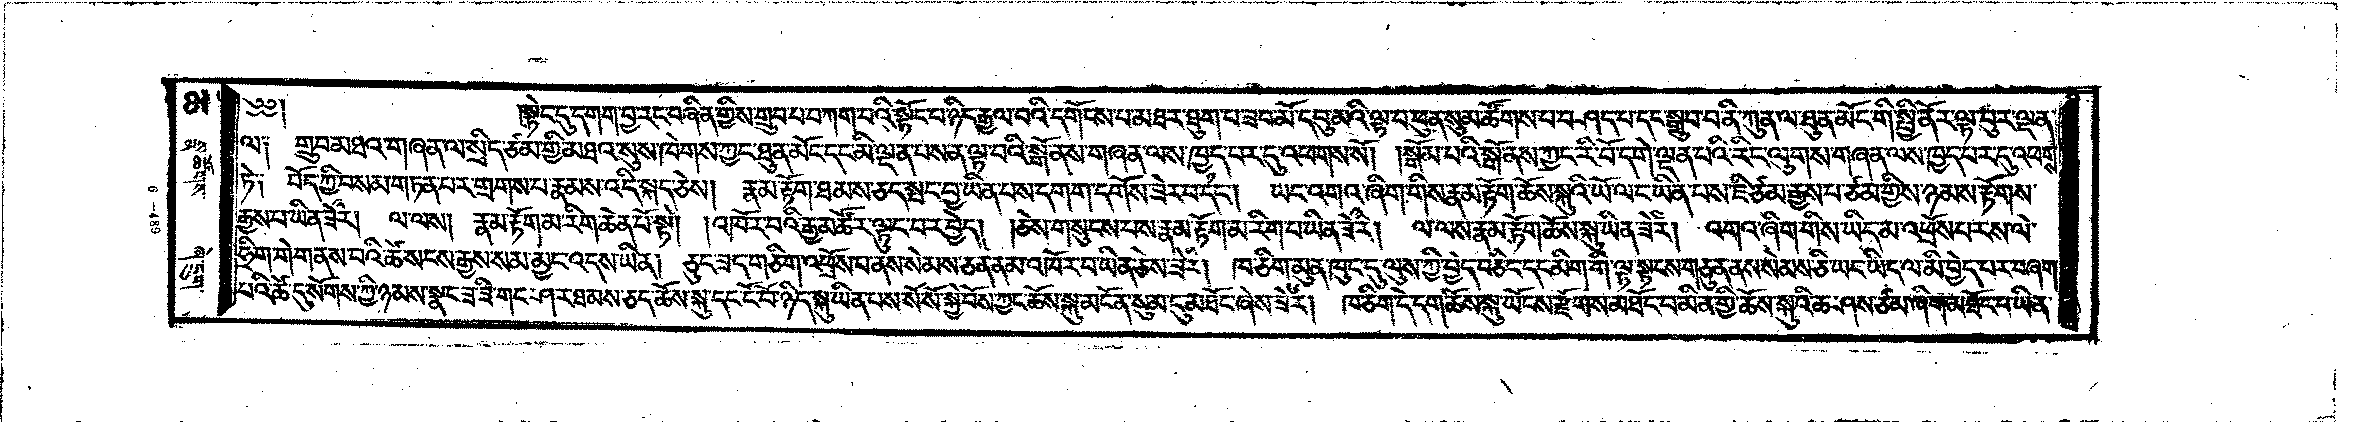༄༅། །སྟེང་དུ་དགག་བྱ་རང་བཞིན་གྱིས་གྲུབ་པ་བཀག་པའི་སྟོང་པ་ཉིད་རྒྱལ་བའི་དགོངས་པ་མཐར་ཐུག་པ་ཟབ་མོ་དབུ་མའི་ལྟ་བ་ཕུན་སུམ་ཚོགས་པ་བཤད་པ་དང་སྒྲུབ་བ་ནི་ཀུན་ལ་ཐུན་མོང་གི་སྤྱི་ནོར་ལྟ་བུར་ལྡན་
ལ༑ གྲུབ་མཐའ་གཞན་ལ་སྲིད་ཙམ་གྱི་མཐའ་སུས་ཁེགས་ཀྱང་ཐུན་མོང་དང་མི་ལྡན་པས་ན་ལྟ་བའི་སྒོ་ནས་གཞན་ལས་ཁྱད་པར་དུ་འཕགས་སོ། །སྒོམ་པའི་སྒོ་ནས་ཀྱང་རི་བོ་དགེ་ལྡན་པའི་རིང་ལུགས་གཞན་ལས་ཁྱད་པར་དུ་འཕགས་
ཏེ༑ བོད་ཀྱི་བསམ་གཏན་པར་གྲགས་པ་རྣམས་འདི་སྐད་ཅེས། རྣམ་རྟོག་ཐམས་ཅད་སྤང་བྱ་ཡིན་པས་དགག་དགོས་ཟེར་བ་དང་། ཡང་འགའ་ཞིག་གིས་རྣམ་རྟོག་ཆོས་སྐུའི་ཡོ་ལང་ཡིན་པས་ཇ་ཙམ་རྒྱས་པ་ཙམ་གྱིས་ཉམས་རྟོགས་
རྒྱས་པ་ཡིན་ཟེར། ལ་ལས། རྣམ་རྟོག་མ་རིག་ཆེན་པོ་སྟེ། །འཁོར་བའི་རྒྱ་མཚོར་ལྟུང་བར་བྱེད། །ཅེས་གསུངས་པས་རྣམ་རྟོག་མ་རིག་པ་ཡིན་ཟེར། ལ་ལས་རྣམ་རྟོག་ཆོས་སྐུ་ཡིན་ཟེར། འགའ་ཞིག་གིས་ཡིད་མ་འཕྲོས་པར་ས་ལེ་
ཧྲིག་གེ་གནས་བའི་ཚེ་སངས་རྒྱས་སམ་མྱང་འདས་ཡིན། ཅུང་ཟད་གཅིག་འཕྲོས་པ་ནས་སེམས་ཅན་ནམ་འཁོར་བ་ཡིན་ཅེས་ཟེར། ཁ་ཅིག་མུན་ཁུང་དུ་ལུས་ཀྱི་བྱེད་བཅིང་དང་མིག་གི་ལྟ་སྟངས་གཅུན་ནས་སེམས་ཅི་ཡང་ཡིད་ལ་མི་བྱེད་པར་བཞག་
པའི་ཚེ་དུ་སོགས་ཀྱི་ཉམས་སྣང་ཟ་ཟི་གང་ཤར་ཐམས་ཅད་ཆོས་སྐུ་དང་ངོ་བོ་ཉིད་སྐུ་ཡིན་པས་སོ་སོ་སྐྱེ་བོས་ཀྱང་ཆོས་སྐུ་མངོན་སུམ་དུ་མཐོང་ཞེས་ཟེར། ཁ་ཅིག་དེ་དག་ཆོས་སྐུ་ཡོངས་རྫོགས་མཐོང་བ་མིན་གྱི་ཆོས་སྐུའི་ཆ་ཤས་ཙམ་ཞིག་མཐོང་བ་ཡིན་